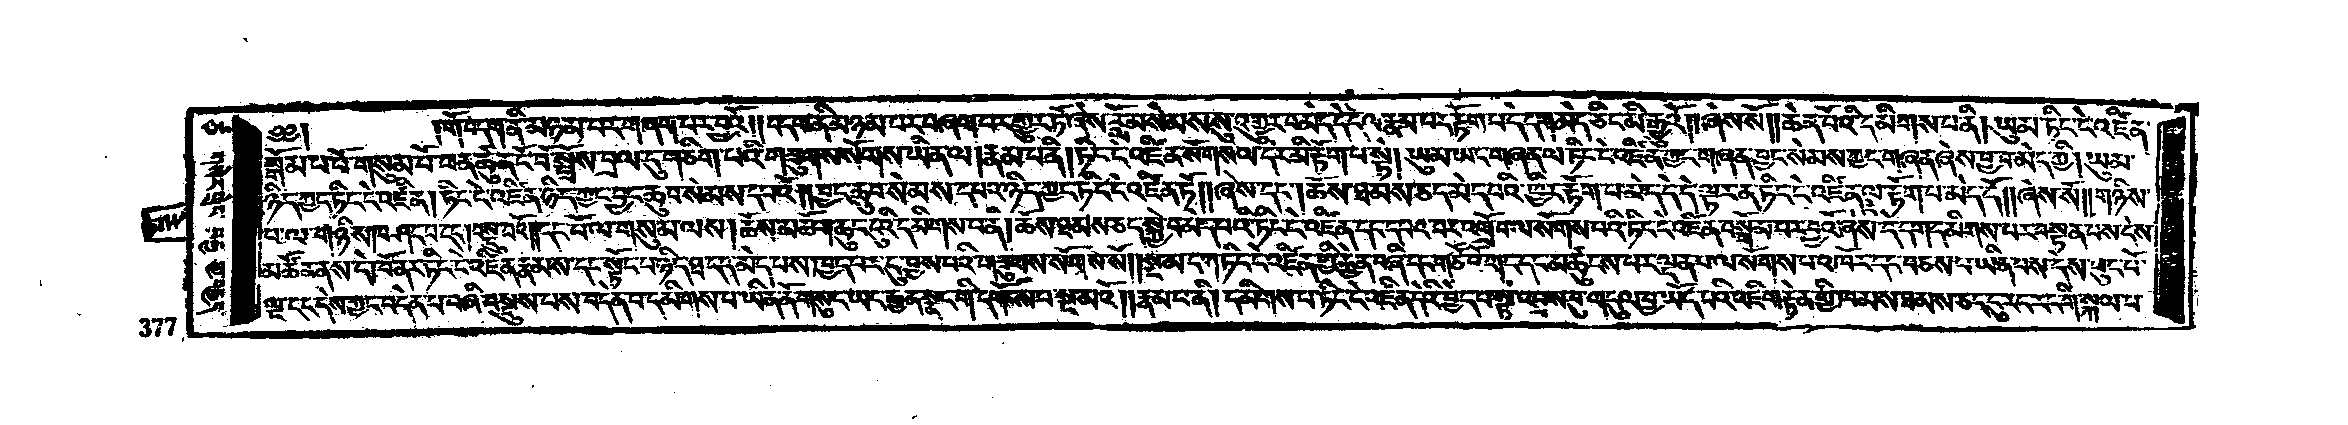༄༅། །གོ་བདག་ནི་མཉམ་པར་གཞག་པར་བྱའོ། །བདག་ནི་མཉམ་པར་བཞག་པར་གྱུར་ཏོ་ཞེས་རློམ་སེམས་སུ་འགྱུར་བ་མེད་དོ་དེ་ལ་རྣམ་པར་རྟོག་པ་དེ་དག་མེད་ཅིང་མི་རྒྱུའོ། །ཞེས་སོ། །ཆེན་པོའི་དམིགས་པ་ནི། ཡུམ་ཏིང་ངེ་འཛིན་
སྒོམ་པ་པོ་གསུམ་པོ་ཕན་ཚུན་ངོ་བོ་སྤྲོས་བྲལ་དུ་གཅིག་པའི་གཟུགས་སོགས་ཡིན་ལ། རྣམ་པ་ནི། ཏིང་ངེ་འཛིན་སོགས་ལ་དེར་མི་རྟོག་པ་སྟེ། ཡུམ་ཡང་གཞན་ལ་ཏིང་ངེ་འཛིན་ཀྱང་གཞན་བྱང་སེམས་ཀྱང་གཞན་ཞེས་བྱ་བ་མེད་ཀྱི། ཡུམ་
ཉིད་ཀྱང་ཏིང་ངེ་འཛིན། ཏིང་ངེ་འཛིན་ཉིད་ཀྱང་བྱང་ཆུབ་སེམས་དཔའོ། །བྱང་ཆུབ་སེམས་དཔའ་ཉིད་ཀྱང་ཏིང་ངེ་འཛིན་ཏོ། །ཞེས་དང་། ཆོས་ཐམས་ཅད་མེད་པའི་ཕྱིར་རྟོག་པ་མེད་དེ་དེ་ལྟར་ན་ཏིང་ངེ་འཛིན་དེ་ལ་རྟོག་པ་མེད་དོ། །ཞེས་སོ། །གཉིས་
པ་ལ་གཉིས། བཤད་པ་དང་། བསྡུ་བའོ། །དང་པོ་ལ་གསུམ་ལས། ཆོས་མཆོག་ཆུང་ངུའི་དམིགས་པ་ནི། ཆོས་ཐམས་ཅད་སྐྱེ་བ་མེད་པའི་ཏིང་ངེ་འཛིན་དང་དཔའ་བར་འགྲོ་བ་ལ་སོགས་པའི་ཏིང་ངེ་འཛིན་བསྒོམ་པར་བྱའོ་ཞེས་དེ་དག་དམིགས་པར་བསྟན་པས་དེས་
མཚོན་ནས་དེ་ཁོ་ནར་ཏིང་ངེ་འཛིན་རྣམས་དང་སྟོང་པ་ཉིད་ཐ་དད་མེད་པས་ཁྱད་པར་དུ་བྱས་པའི་གཟུགས་སོགས་སོ། །སྔ་མ་དག་ཏིང་ངེ་འཛིན་གྱི་རྐྱེན་བཞི་དང་གཙོ་བོ་གང་དང་མཚུངས་པར་ལྡན་པ་ལ་སོགས་པ་འཁོར་དང་བཅས་པ་ཡིན་པས་དེས་ཕུང་པོ་
ལྔ་དང་དེས་ཀྱང་བདེན་པ་བཞི་བསྡུས་པས་བདེན་པ་དམིགས་པ་ཡིན་ནོ་གསུང་ཡང་རྒྱན་སྣང་གི་དགོངས་པ་སྔ་མའོ། །རྣམ་པ་ནི། དམིགས་པ་ཏིང་ངེ་འཛིན་དེའི་བྱེད་པ་སྟེ་འབྲས་བུ་གདུལ་བྱ་ཡོད་པའི་འཇིག་རྟེན་གྱི་ཁམས་ཐམས་ཅད་དུ་རང་རང་གི་སྐལ་པ་